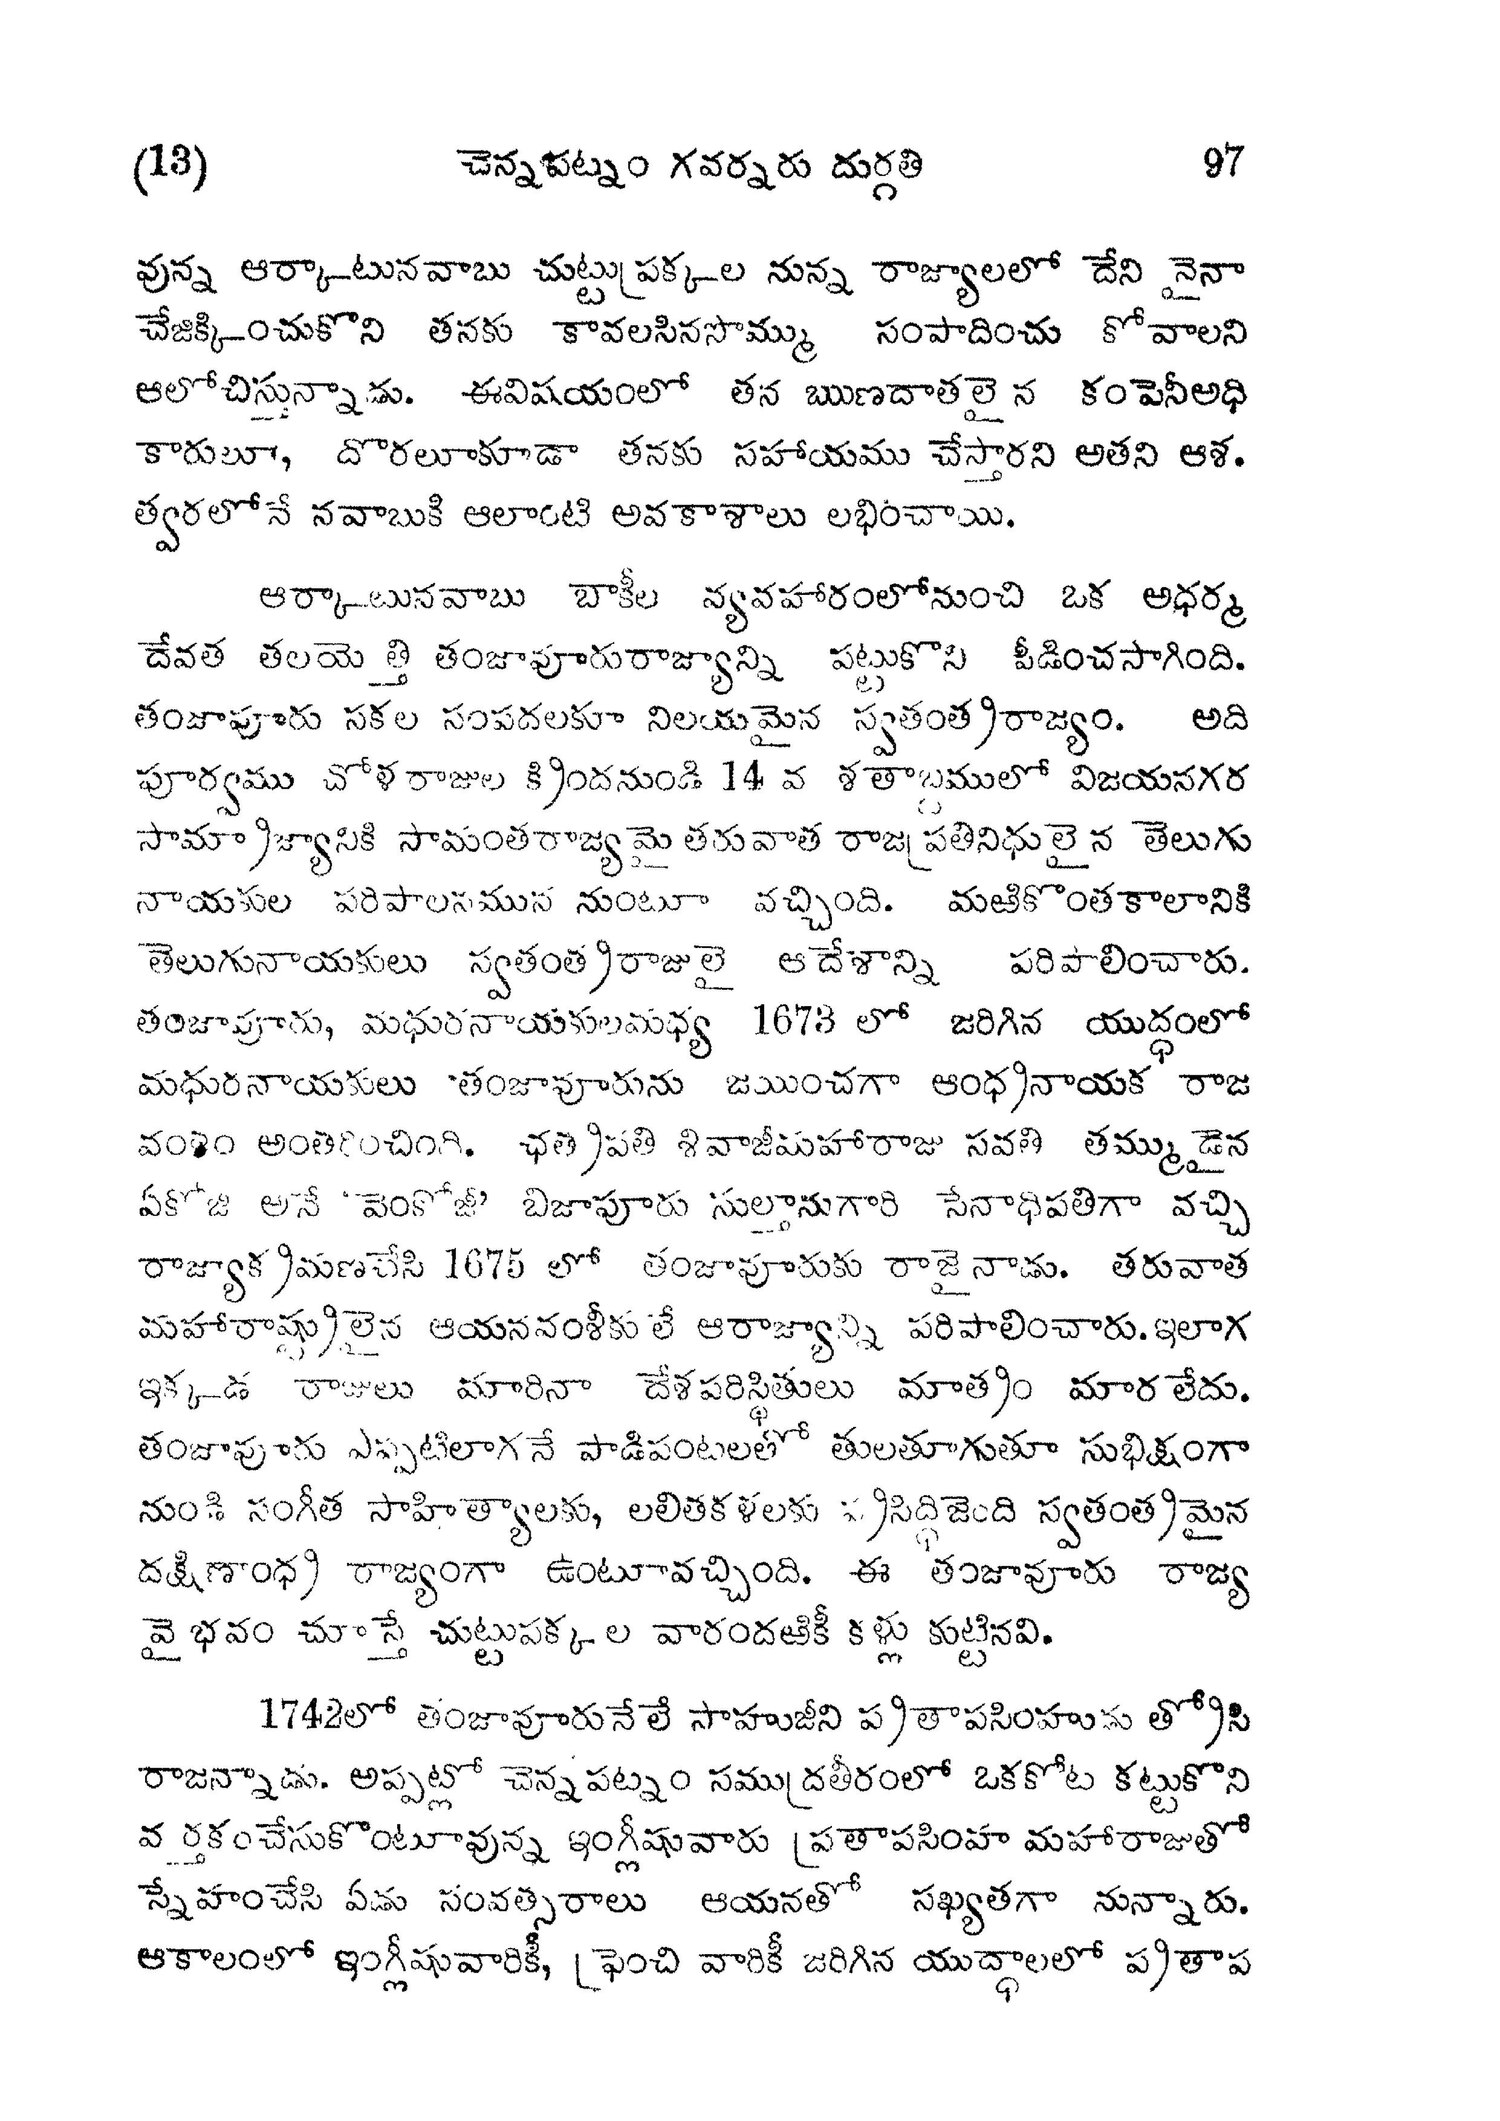వున్న ఆర్కాటునవాబు చుట్టుప్రక్కల నున్న రాజ్యాలలో దేని నైనా చేజిక్కించుకొని తనకు కావలసినసొమ్ము సంపాదించు కోవాలని ఆలోచిస్తున్నాడు. ఈవిషయంలో తన ఋణదాతలైన కంఫెనీ అధికారులూ, దొరలూకూడా తనకు సహాయము చేస్తారని అతని ఆశ. త్వరలోనే నవాబుకి అలాంటి అవకాశాలు లభించాయి.

ఆర్కాటునవాబు బాకీల వ్యవహారంలోనుంచి ఒక అధర్మదేవత తలెయెత్తి తంజావూరురాజ్యాన్ని పట్టుకొని ఓడించసాగింది. తంజావూరు సకల సంపదలకూ నిలయమైన స్వతంత్రరాజ్యం. అది పూర్వము చోళరాజుల క్రిందనుంది 14 వ శతాబ్దములో విజయనగర సామ్రాజ్యానికి సామంతరాజ్యమై తరువాత రాజ ప్రతినిధులైన తెలుగు నాయకులు పరిపాలనమున నుంటూ వచ్చింది. మఱికొంత కాలానికి తెలుగునాయకులు స్వతంత్రురాజులై ఆ దేశాన్ని పరిపాలించారు. తంజావూరు, మధురనాయకులమధ్య 1673 లో జరిగిన యుద్ధంలో మధురనాయకులు తంజావూరును జయింపగా ఆంధ్రనాయక రాజవంశం అంతరించినది. చత్రపతి శివాజిమహారాజు సవతి తమ్ముడైన ఏకోజి అనే 'వెంకోజీ ' బిజాపూరు సుల్తానుగారి సేనాపతిగా వచ్చి రాజాక్రమణచేసి 1675 లో తంజావూరుకు రాజైనాడు. తరువాత మహరాష్ట్రులైన ఆయనవంశీకులే ఆరాజ్యాన్ని పరిపాలించారు. ఇలాగ ఇక్కడ రాజులు మారినా దేశపరిస్థితులు మాత్రం మారలేదు. తంజావూరు ఎప్పటిలాగనే పాడిపంటలతో తులతూగుతూ సుభిక్షంగా నుండి సంగీత సాహిత్యాలకు, లలితకళకు ప్రసిద్ధిజెంది స్వతంత్రమైన దక్షిణాంధ్ర రాజ్యంగా ఉంటూవచ్చింది. ఈ తంజావూరు రాజ్య వైభవం చూస్తే చుట్టు పక్కల వారందఱికీ కళ్లు కుట్టినవి.

1742 లో తంజావూరునేలే సాహుజీని ప్రతాపసింహుడు త్రొసిరాజన్నాడు. అప్పట్లో చెన్నపట్నం సముద్రతీరంలో ఒకకోట కట్టుకొని వర్తకం చేసుకోంటూవున్న ఇంగ్లీషువారు ప్రతాపసింహ మహారాజుతో స్నేహం చేసి ఏడు సంవత్సరాలు ఆయనతో సఖ్యతగా నున్నారు. ఆకాలంలో ఇంగ్లీషు వారికీ, ఫ్రెంచివారికీ జరిగిన యుద్ధాలలో ప్రతాప